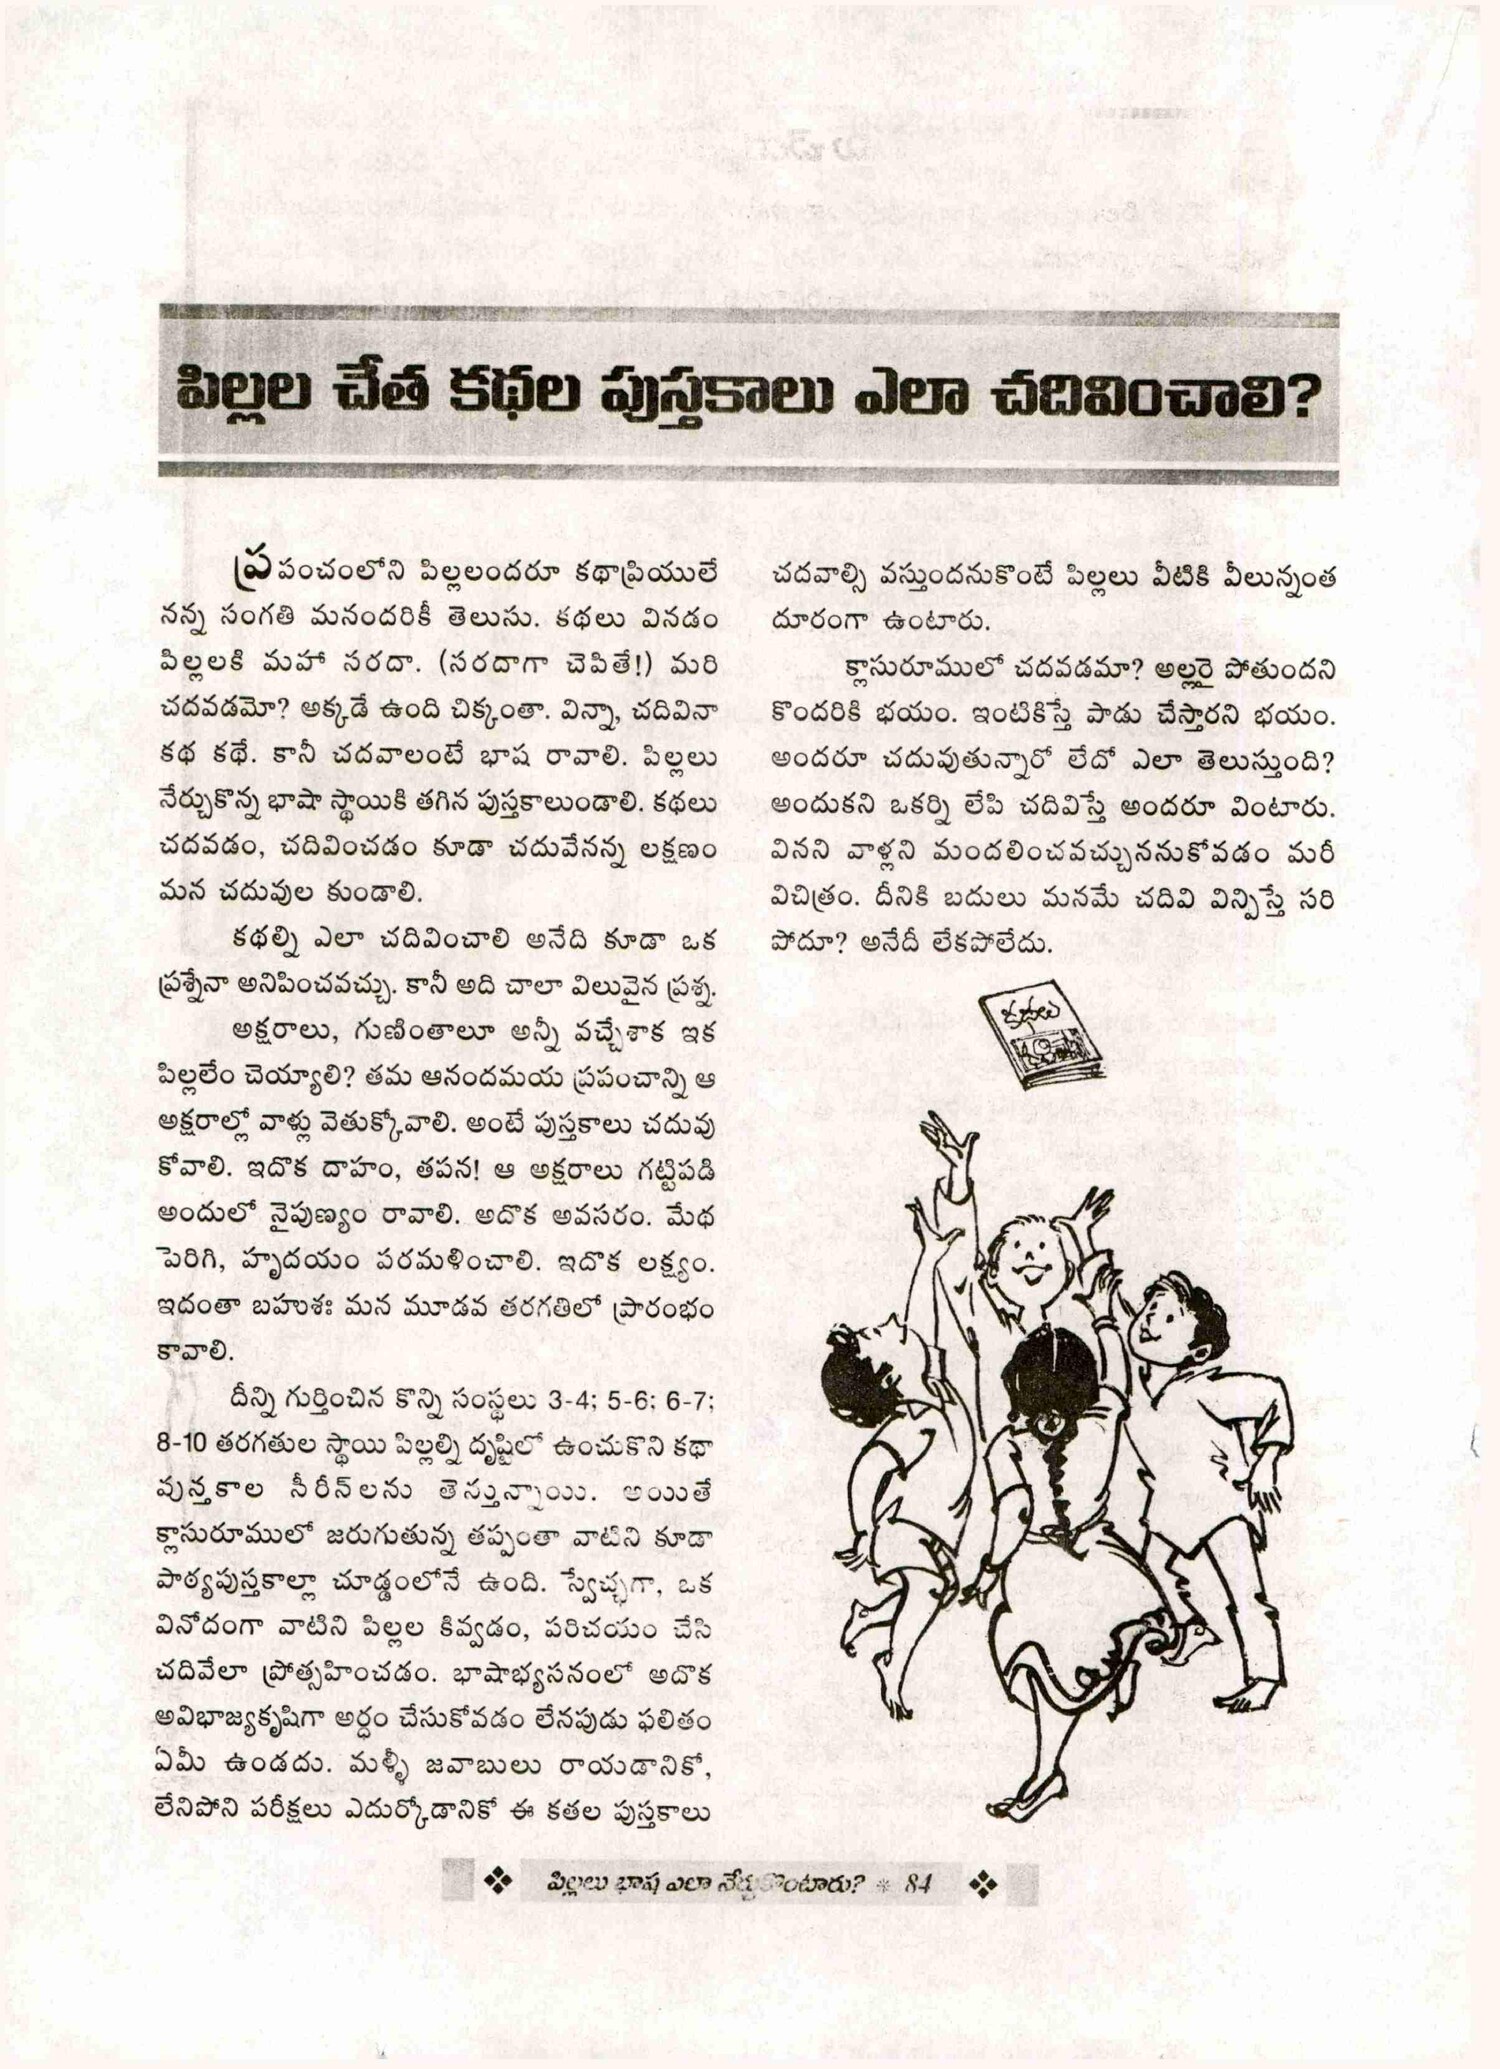పిల్లల చేత కథల పుస్తకాలు ఎలా చదివించాలి?

ప్రపంచంలోని పిల్లలందరూ కథాప్రియులే నన్న సంగతి మనందరికీ తెలుసు. కథలు వినడం పిల్లలకి మహా సరదా. (సరదాగా చెపితే!) మరి చదవడమో? అక్కడే ఉంది చిక్కంతా. విన్నా, చదివినా కథ కథే. కానీ చదవాలంటే భాష రావాలి. పిల్లలు నేర్చుకొన్న భాషా స్థాయికి తగిన పుస్తకాలుండాలి. కథలు చదవడం, చదివించడం కూడా చదువేనన్న లక్షణం మన చదువుల కుండాలి.

కథల్ని ఎలా చదివించాలి అనేది కూడా ఒక ప్రశ్నేనా అనిపించవచ్చు. కానీ అది చాలా విలువైన ప్రశ్న.

అక్షరాలు, గుణింతాలూ అన్నీ వచ్చేశాక ఇక పిల్లలేం చెయ్యాలి? తమ ఆనందమయ ప్రపంచాన్ని ఆ అక్షరాల్లో వాళ్లు వెతుక్కోవాలి. అంటే పుస్తకాలు చదువుకోవాలి. ఇదొక దాహం, తపన! ఆ అక్షరాలు గట్టిపడి అందులో నైపుణ్యం రావాలి. అదొక అవసరం. మేథ పెరిగి, హృదయం పరమళించాలి. ఇదొక లక్ష్యం. ఇదంతా బహుశః మన మూడవ తరగతిలో ప్రారంభం కావాలి.

దీన్ని గుర్తించిన కొన్ని సంస్థలు 3-4; 5-6, 6-7; 8-10 తరగతుల స్థాయి పిల్లల్ని దృష్టిలో ఉంచుకొని కథా పుస్తకాల సీరీస్‌లను తెస్తున్నాయి. అయితే క్లాసురూములో జరుగుతున్న తప్పంతా వాటిని కూడా పాఠ్యపుస్తకాల్లా చూడ్డంలోనే ఉంది. స్వేచ్ఛగా, ఒక వినోదంగా వాటిని పిల్లల కివ్వడం, పరిచయం చేసి చదివేలా ప్రోత్సహించడం. భాషాభ్యసనంలో అదొక అవిభాజ్యకృషిగా అర్ధం చేసుకోవడం లేనపుడు ఫలితం ఏమీ ఉండదు. మళ్ళీ జవాబులు రాయడానికో,
లేనిపోని పరీక్షలు ఎదుర్కోడానికో ఈ కతల పుస్తకాలు చదవాల్సి వస్తుందనుకొంటే పిల్లలు వీటికి వీలున్నంత
దూరంగా ఉంటారు.

క్లాసురూములో చదవడమా? అల్లరై పోతుందని కొందరికి భయం. ఇంటికిస్తే పాడు చేస్తారని భయం. అందరూ చదువుతున్నారో లేదో ఎలా తెలుస్తుంది? అందుకని ఒకర్ని లేపి చదివిస్తే అందరూ వింటారు. వినని వాళ్లని మందలించవచ్చుననుకోవడం మరీ విచిత్రం. దీనికి బదులు మనమే చదివి విన్పిస్తే సరిపోదూ? అనేదీ లేకపోలేదు.